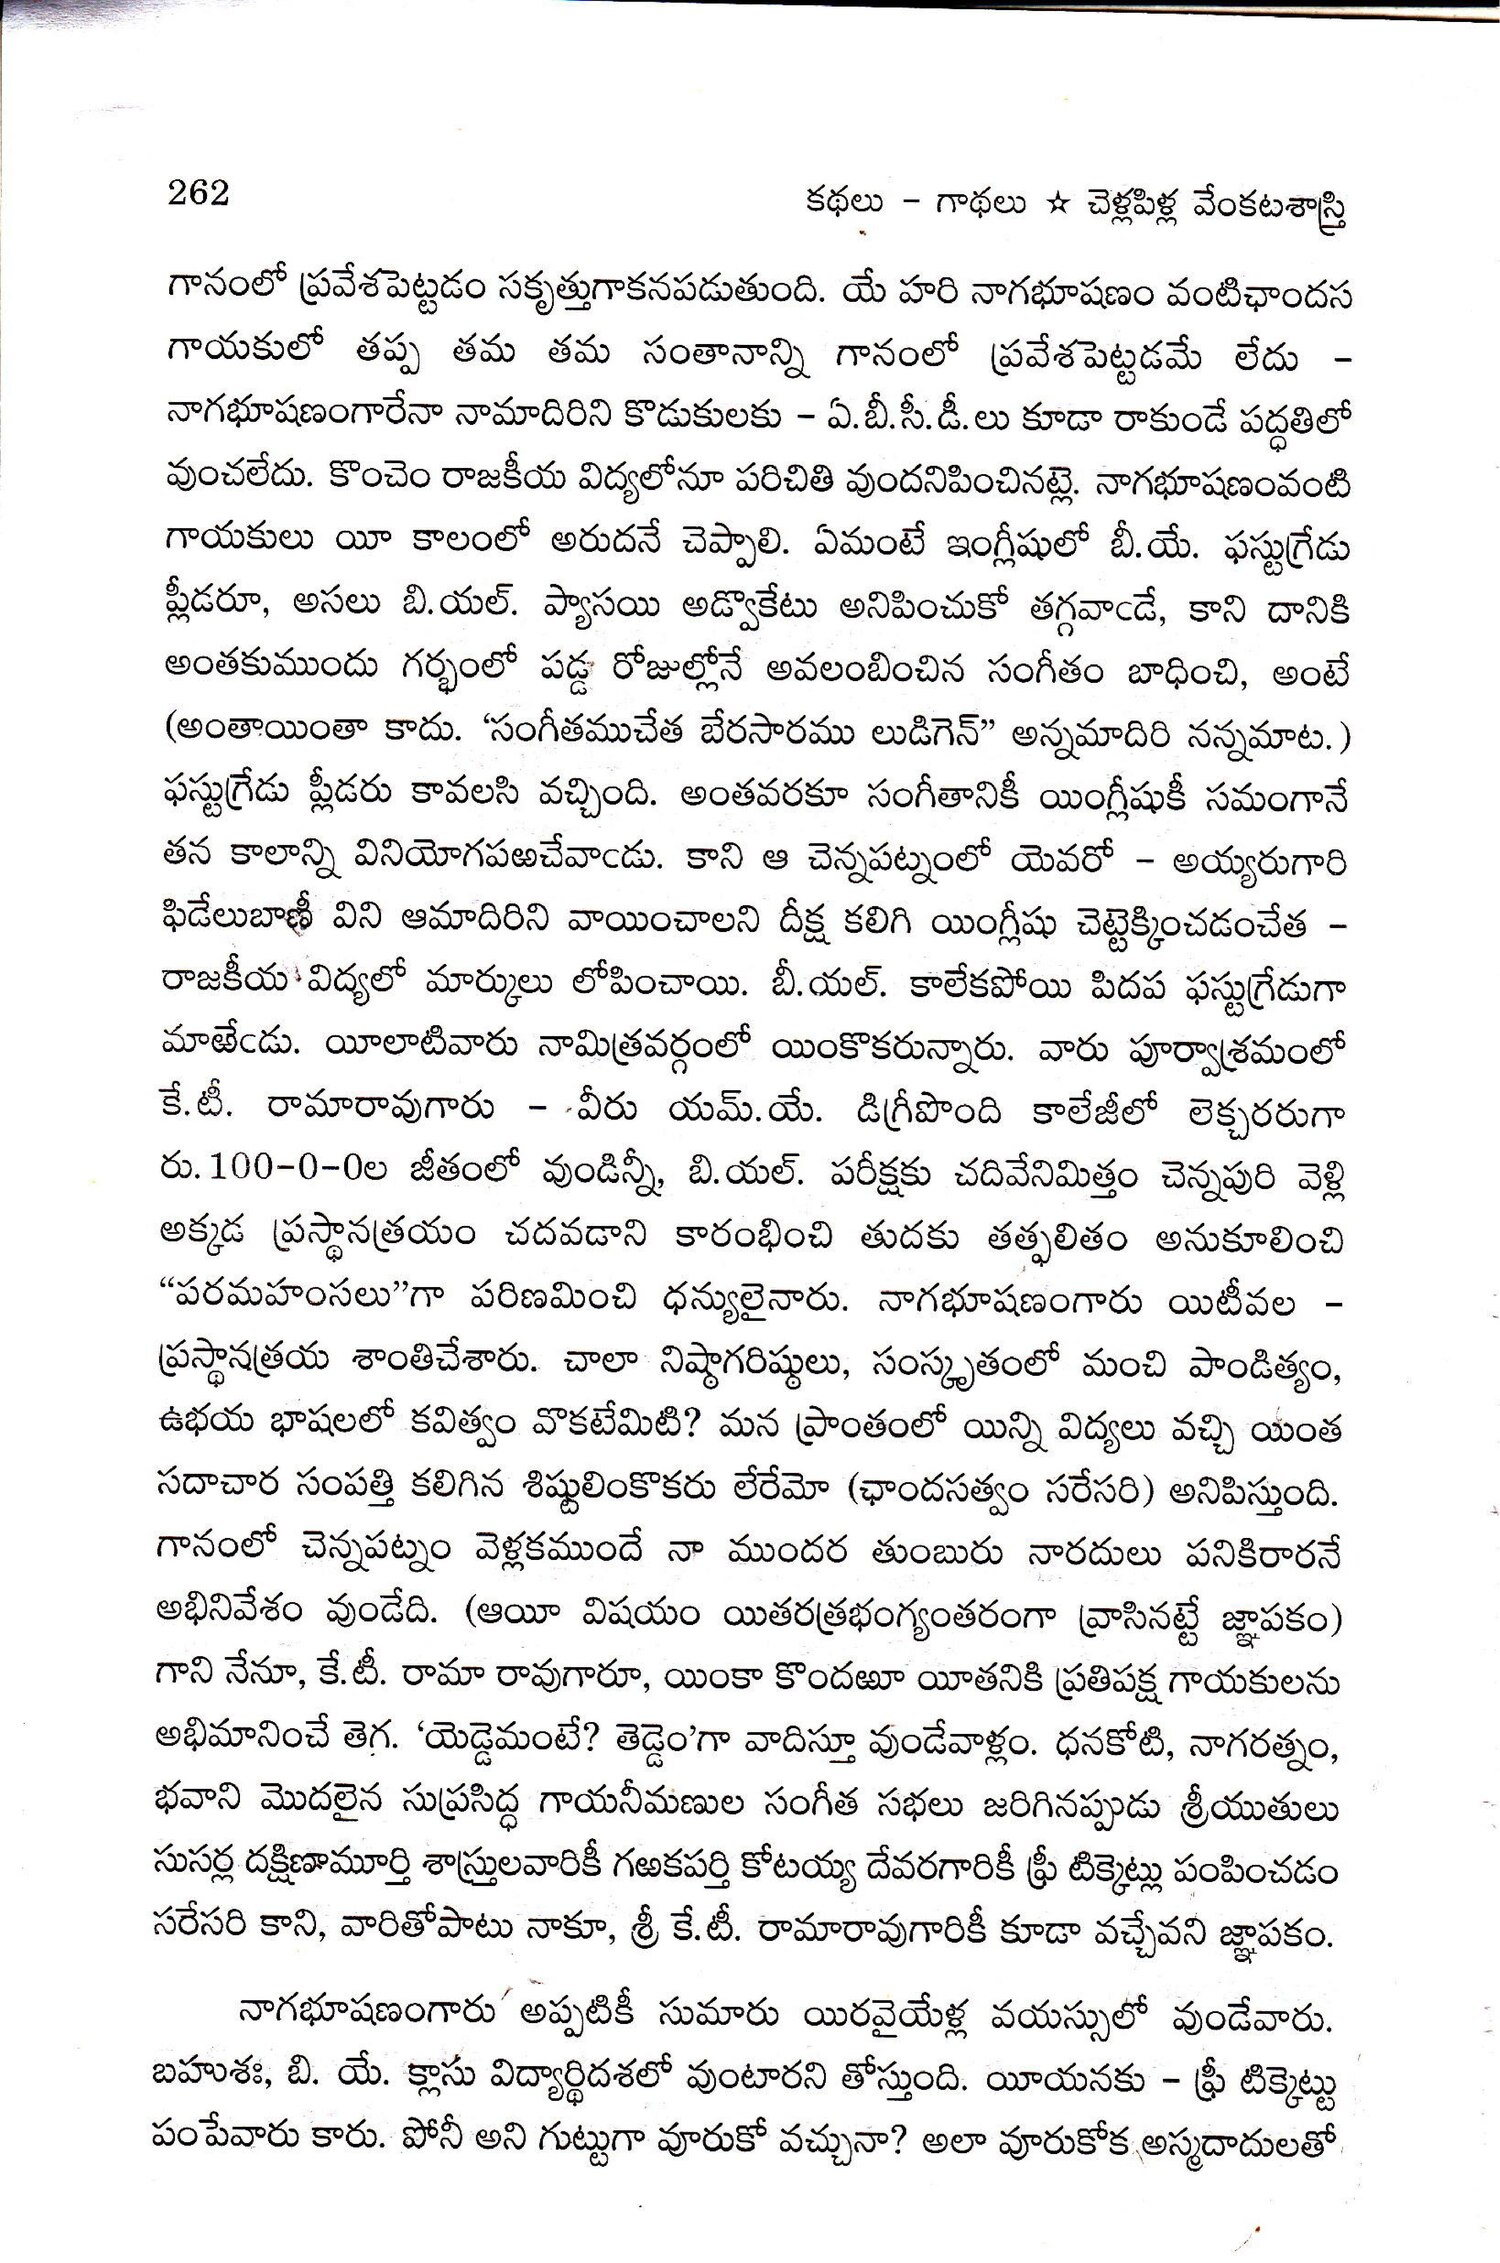గానంలో ప్రవేశపెట్టడం సకృత్తుగాకనపడుతుంది. యే హరి నాగభూషణం వంటిఛాందస గాయకులో తప్ప తమ తమ సంతానాన్ని గానంలో ప్రవేశపెట్టడమే లేదు - నాగభూషణంగారేనా నామాదిరిని కొడుకులకు - ఏ.బీ.సీ.డీ.లు కూడా రాకుండే పద్ధతిలో వుంచలేదు. కొంచెం రాజకీయ విద్యలోనూ పరిచితి వుందనిపించినట్లే. నాగభూషణంవంటి గాయకులు యీ కాలంలో అరుదనే చెప్పాలి. ఏమంటే ఇంగ్లీషులో బీ.యే. ఫస్టుగ్రేడు ప్లీడరూ, అసలు బి.యల్. ప్యాసయి అడ్వొకేటు అనిపించుకో తగ్గవాఁడే, కాని దానికి అంతకుముందు గర్భంలో పడ్డ రోజుల్లోనే అవలంబించిన సంగీతం బాధించి, అంటే (అంతాయింతా కాదు. సంగీతముచేత బేరసారము లుడిగెన్" అన్నమాదిరి నన్నమాట.) ఫస్టుగ్రేడు ప్లీడరు కావలసి వచ్చింది. అంతవరకూ సంగీతానికీ యింగ్లీషుకీ సమంగానే తన కాలాన్ని వినియోగపఱచేవాఁడు. కాని ఆ చెన్నపట్నంలో యెవరో - అయ్యరుగారి ఫిడేలుబాణీ విని ఆమాదిరిని వాయించాలని దీక్ష కలిగి యింగ్లీషు చెట్టెక్కించడంచేత - రాజకీయ విద్యలో మార్కులు లోపించాయి. బీ.యల్. కాలేకపోయి పిదప ఫస్టుగ్రేడుగా మాఱేఁడు. యీలాటివారు నామిత్రవర్గంలో యింకొకరున్నారు. వారు పూర్వాశ్రమంలో కే. టీ. రామారావుగారు - వీరు యమ్.యే. డిగ్రీపొంది కాలేజీలో లెక్చరరుగా రు. 100-0-0ల జీతంలో వుండిన్నీ బి.యల్. పరీక్షకు చదివేనిమిత్తం చెన్నపురి వెళ్లి అక్కడ ప్రస్థానత్రయం చదవడాని కారంభించి తుదకు తత్ఫలితం అనుకూలించి “పరమహంసలు'గా పరిణమించి ధన్యులైనారు. నాగభూషణంగారు యిటీవల - ప్రస్థానత్రయ శాంతిచేశారు. చాలా నిష్ఠాగరిష్ఠులు, సంస్కృతంలో మంచి పాండిత్యం, ఉభయ భాషలలో కవిత్వం వొకటేమిటి? మన ప్రాంతంలో యిన్ని విద్యలు వచ్చి యింత సదాచార సంపత్తి కలిగిన శిష్టులింకొకరు లేరేమో (ఛాందసత్వం సరేసరి) అనిపిస్తుంది. గానంలో చెన్నపట్నం వెళ్లకముందే నా ముందర తుంబురు నారదులు పనికిరారనే అభినివేశం వుండేది. (ఆయీ విషయం యితరత్రభంగ్యంతరంగా వ్రాసినట్టే జ్ఞాపకం) గాని నేనూ, కే.టీ. రామా రావుగారూ, యింకా కొందఱూ యీతనికి ప్రతిపక్ష గాయకులను అభిమానించే తెగ. యెడ్డెమంటే? తెడ్డెం'గా వాదిస్తూ వుండేవాళ్లం. ధనకోటి, నాగరత్నం, భవాని మొదలైన సుప్రసిద్ధ గాయనీమణుల సంగీత సభలు జరిగినప్పుడు శ్రీయుతులు సుసర్ల దక్షిణామూర్తి శాస్త్రులవారికీ గఱకపర్తి కోటయ్య దేవరగారికీ ఫ్రీ టిక్కెట్లు పంపించడం సరేసరి కాని, వారితోపాటు నాకూ, శ్రీ కే.టీ. రామారావుగారికీ కూడా వచ్చేవని జ్ఞాపకం.

నాగభూషణంగారు అప్పటికీ సుమారు యిరవైయేళ్ల వయస్సులో వుండేవారు. బహుశః, బి. యే. క్లాసు విద్యార్థిదశలో వుంటారని తోస్తుంది. యీయనకు - ఫ్రీ టిక్కెట్టు పంపేవారు కారు. పోనీ అని గుట్టుగా వూరుకోవచ్చునా? అలా వూరుకోక అస్మదాదులతో